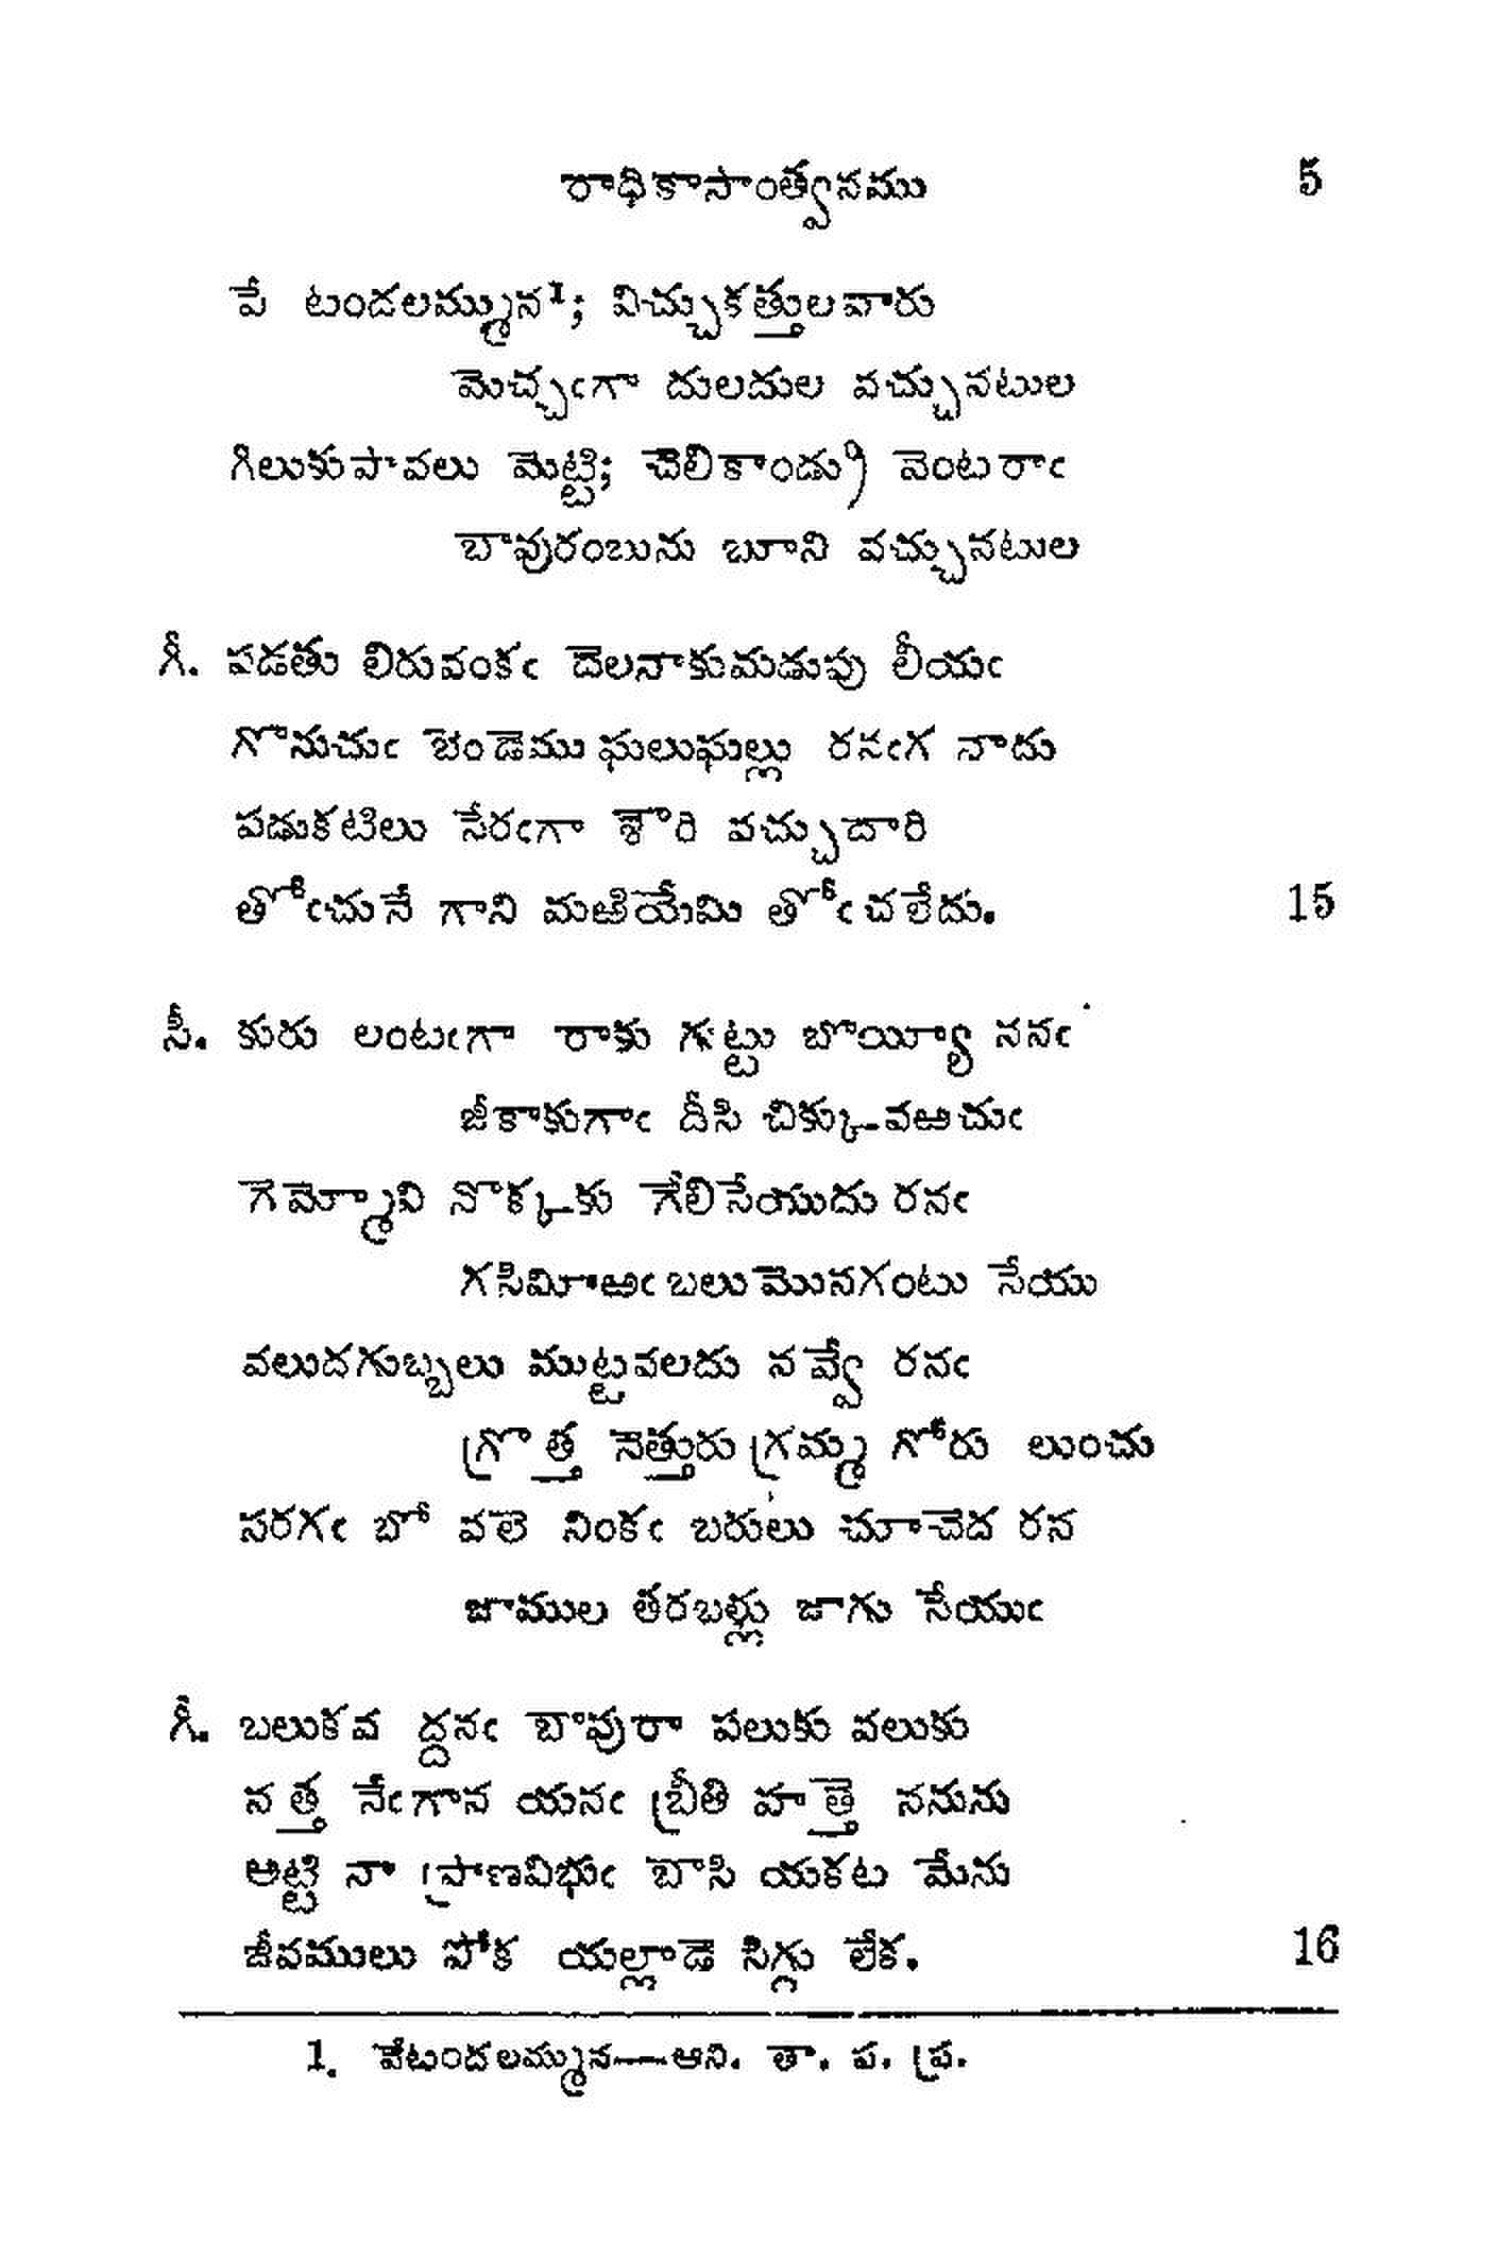పే టందలమ్మున విచ్చుకత్తులవారు
మెచ్చఁగా దులదుల వచ్చునటుల
గిలుకు పావలు మెట్టి చెలికాండ్రు వెంటరాఁ
బావురంబును బూని వచ్చునటుల
గీ. పడతు లిరువంకఁ దెలనాకుమడువు లీయఁ
గొనుచుఁ బెండెము ఘలుఘల్లు రనఁగ నాదు
పడుకటిలు సేరఁగా శౌరి వచ్చుదారి
తోఁచునే గాని మఱియేమి తోఁచలేదు. 15

సీ. కురు లంటఁగా రాకు గుట్టు బొయ్యీ ననఁ
జీకాకుగాఁ దీసి చిక్కువఱచుఁ
గెమ్మోవి నొక్కకు గేలి సేయుదు రనఁ
గసిమీఱఁ బలుమొనగంటు సేయు
వలుదగుబ్బలు ముట్టవలదు న వ్వే రనఁ
గ్రొత్తనెత్తురు గ్రమ్మ గోరు లుంచు
సరగఁ బో వలె నింకఁ బరులు చూచెద రన
జూముల తరబళ్లు జాగు సేయుఁ
గీ. బలుకవద్దనఁ బావురా పలుకు వలుకు
నత్త నేఁ గాన యనఁ బ్రీతి హత్తె ననును
అట్టి నా ప్రాణవిభుఁ బాసి యకట మేను
జీవములు పోక యల్లాడె సిగ్గు లేక. 16